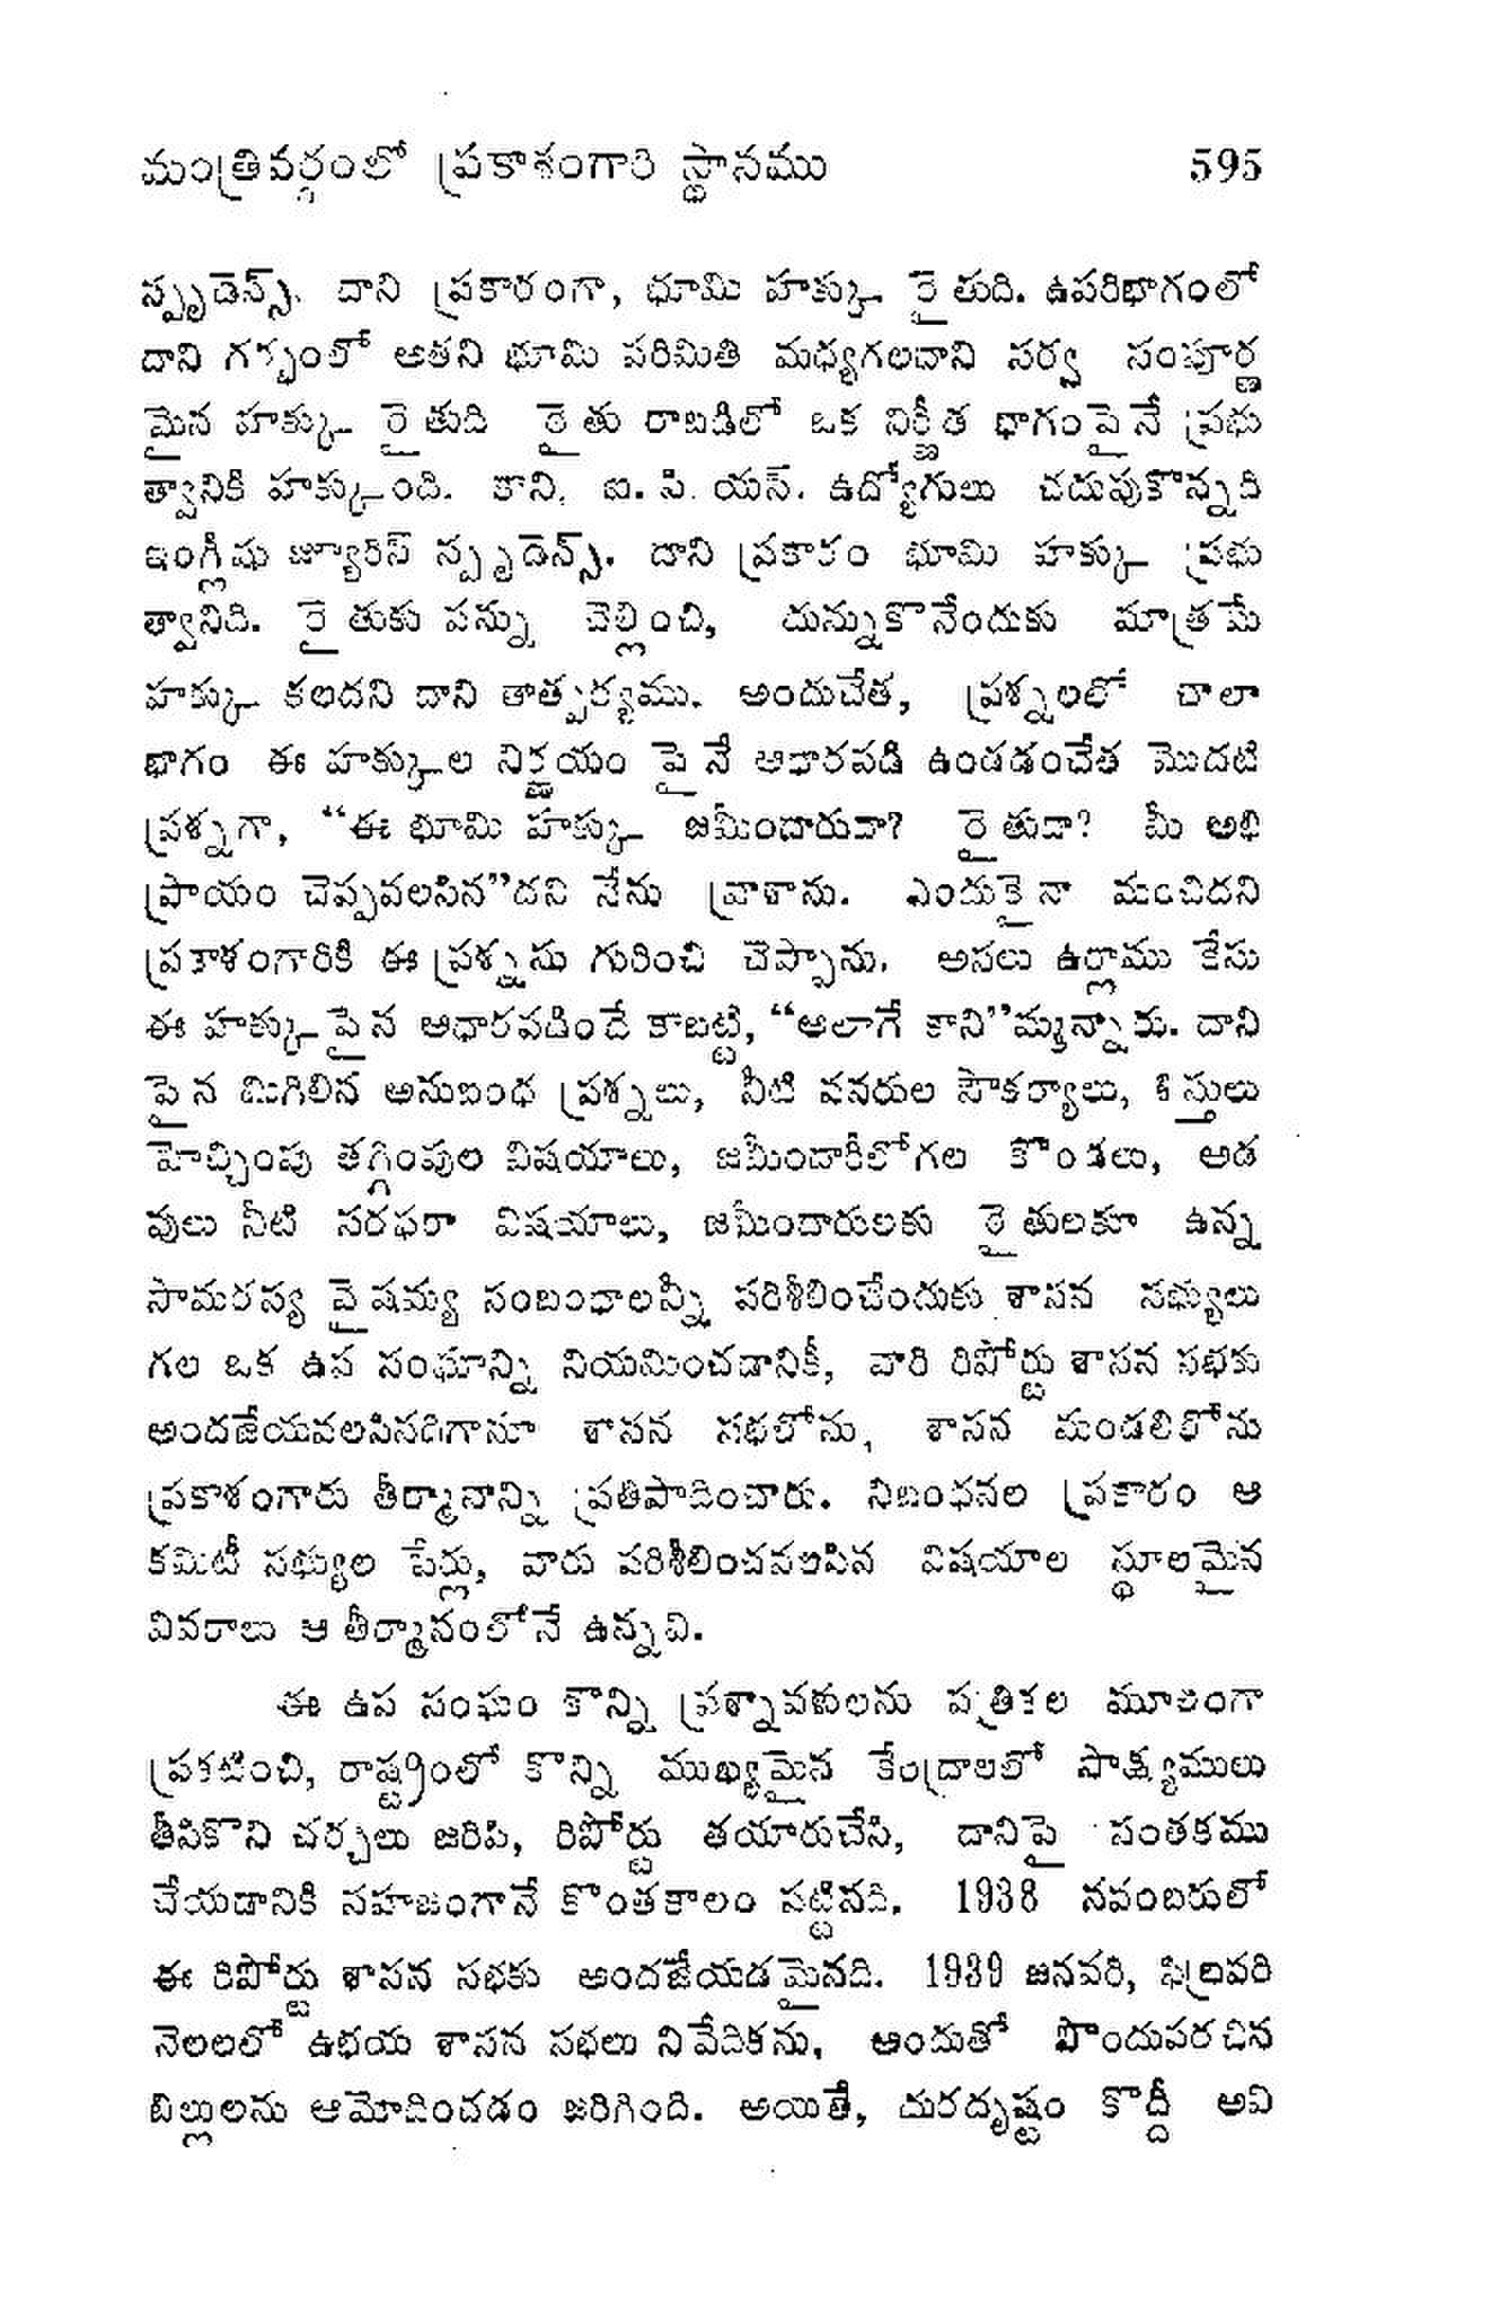స్పృడెన్స్. దాని ప్రకారంగా, భూమి హక్కు రైతుది. ఉపరిభాగంలో దాని గర్భంలో అతని భూమి పరిమితి మధ్యగలదాని సర్వ సంపూర్ణమైన హక్కు రైతుది రైతు రాబడిలో ఒక నిర్ణీత భాగంపైనే ప్రభుత్వానికి హక్కుంది. కాని. ఐ. సి. యస్. ఉద్యోగులు చదువుకొన్నది ఇంగ్లీషు జ్యూరిస్ స్పృడెన్స్. దాని ప్రకారం భూమి హక్కు ప్రభుత్వానిది. రైతుకు పన్ను చెల్లించి, దున్నుకొనేందుకు మాత్రమే హక్కు కలదని దాని తాత్పర్యము. అందుచేత, ప్రశ్నలలో చాలా భాగం ఈ హక్కుల నిర్ణయం పైనే ఆధారపడి ఉండడంచేత మొదటి ప్రశ్నగా, "ఈ భూమి హక్కు జమీందారుదా? రైతుదా? మీ అభిప్రాయం చెప్పవలసిన"దని నేను వ్రాశాను. ఎందుకైనా మంచిదని ప్రకాశంగారికి ఈ ప్రశ్నను గురించి చెప్పాను. అసలు ఉర్లాము కేసు ఈ హక్కుపైన ఆధారపడిందే కాబట్టి, "అలాగే కాని"మ్మన్నారు. దానిపైన మిగిలిన అనుబంధ ప్రశ్నలు, నీటి వనరుల సౌకర్యాలు, శిస్తులు హెచ్చింపు తగ్గింపుల విషయాలు, జమీందారీలోగల కొండలు, అడవులు నీటి సరఫరా విషయాలు, జమీందారులకు రైతులకూ ఉన్న సామరస్య వైషమ్య సంబంధాలన్నీ పరిశీలించేందుకు శాసన సభ్యులుగల ఒక ఉప సంఘాన్ని నియమించడానికీ, వారి రిపోర్టు శాసన సభకు అందజేయవలసినదిగానూ శాసన సభలోను, శాసన మండలిలోను ప్రకాశంగారు తీర్మానాన్ని ప్రతిపాదించారు. నిబంధనల ప్రకారం ఆ కమిటీ సభ్యుల పేర్లు, వారు పరిశీలించవలసిన విషయాల స్థూలమైన వివరాలు ఆ తీర్మానంలోనే ఉన్నవి.

ఈ ఉప సంఘం కొన్ని ప్రశ్నావళులను పత్రికల మూలంగా ప్రకటించి, రాష్ట్రంలో కొన్ని ముఖ్యమైన కేంద్రాలలో సాక్ష్యములు తీసికొని చర్చలు జరిపి, రిపోర్టు తయారుచేసి, దానిపై సంతకము చేయడానికి సహజంగానే కొంతకాలం పట్టినది. 1938 నవంబరులో ఈ రిపోర్టు శాసన సభకు అందజేయడమైనది. 1939 జనవరి, ఫిబ్రవరి నెలలలో ఉభయ శాసన సభలు నివేదికను, అందులో పొందుపరచిన బిల్లులను ఆమోదించడం జరిగింది. అయితే, దురదృష్టం కొద్దీ అవి